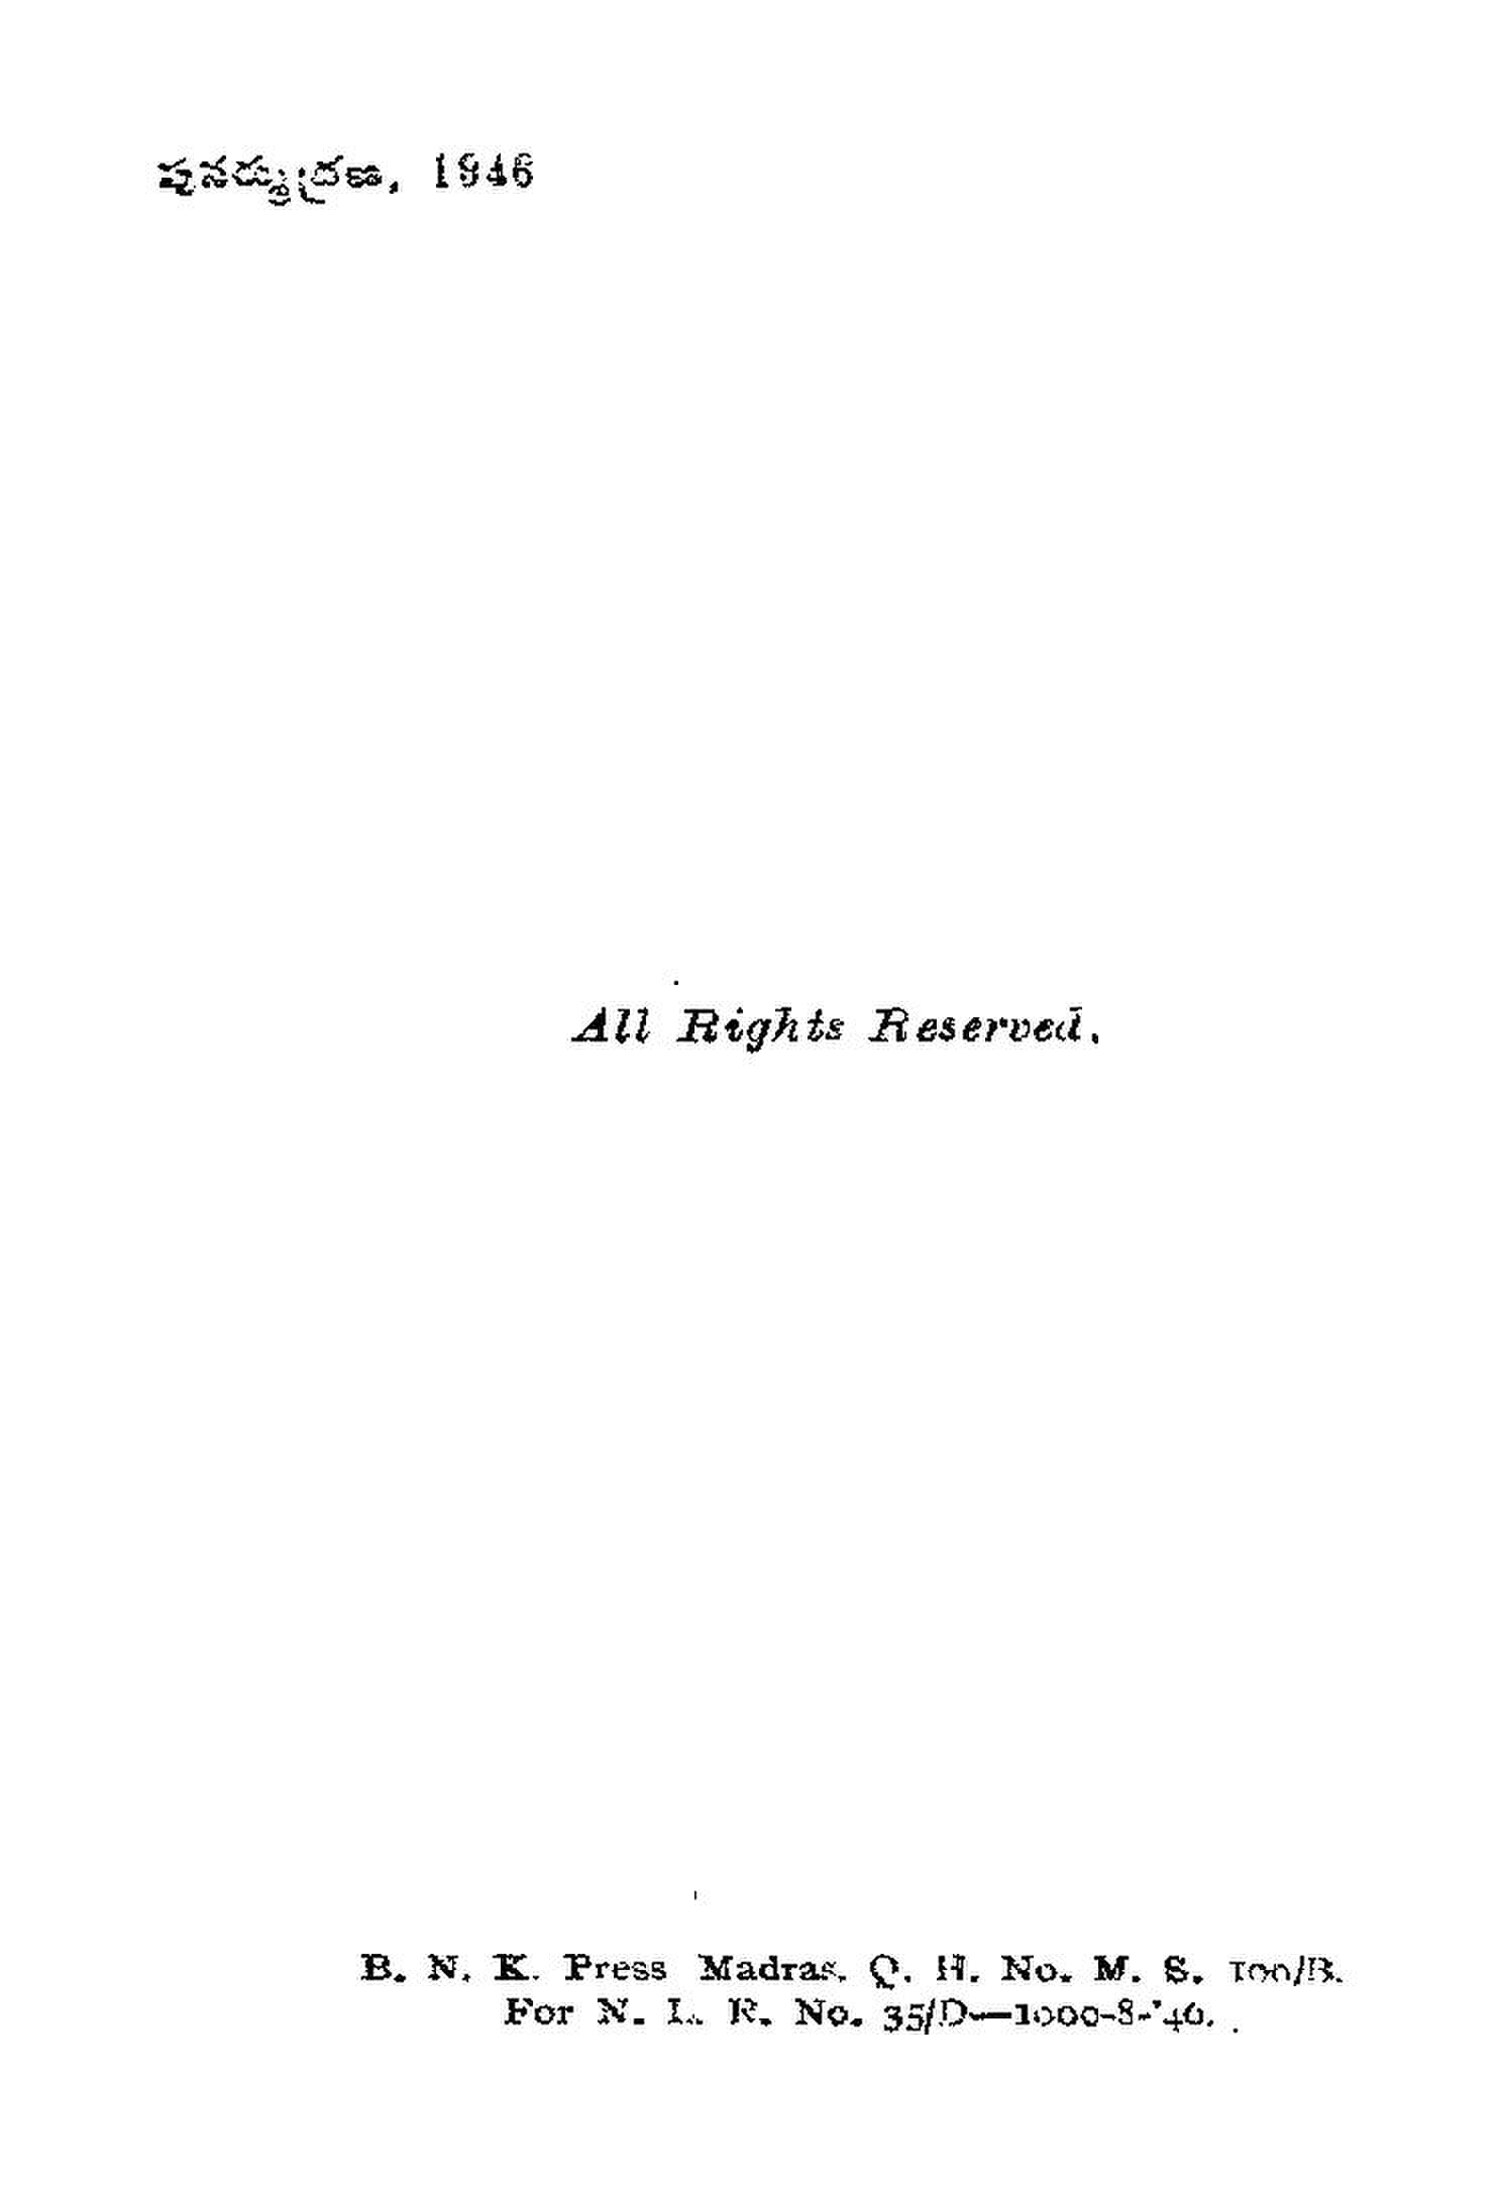పునర్ముద్రణ. 1946